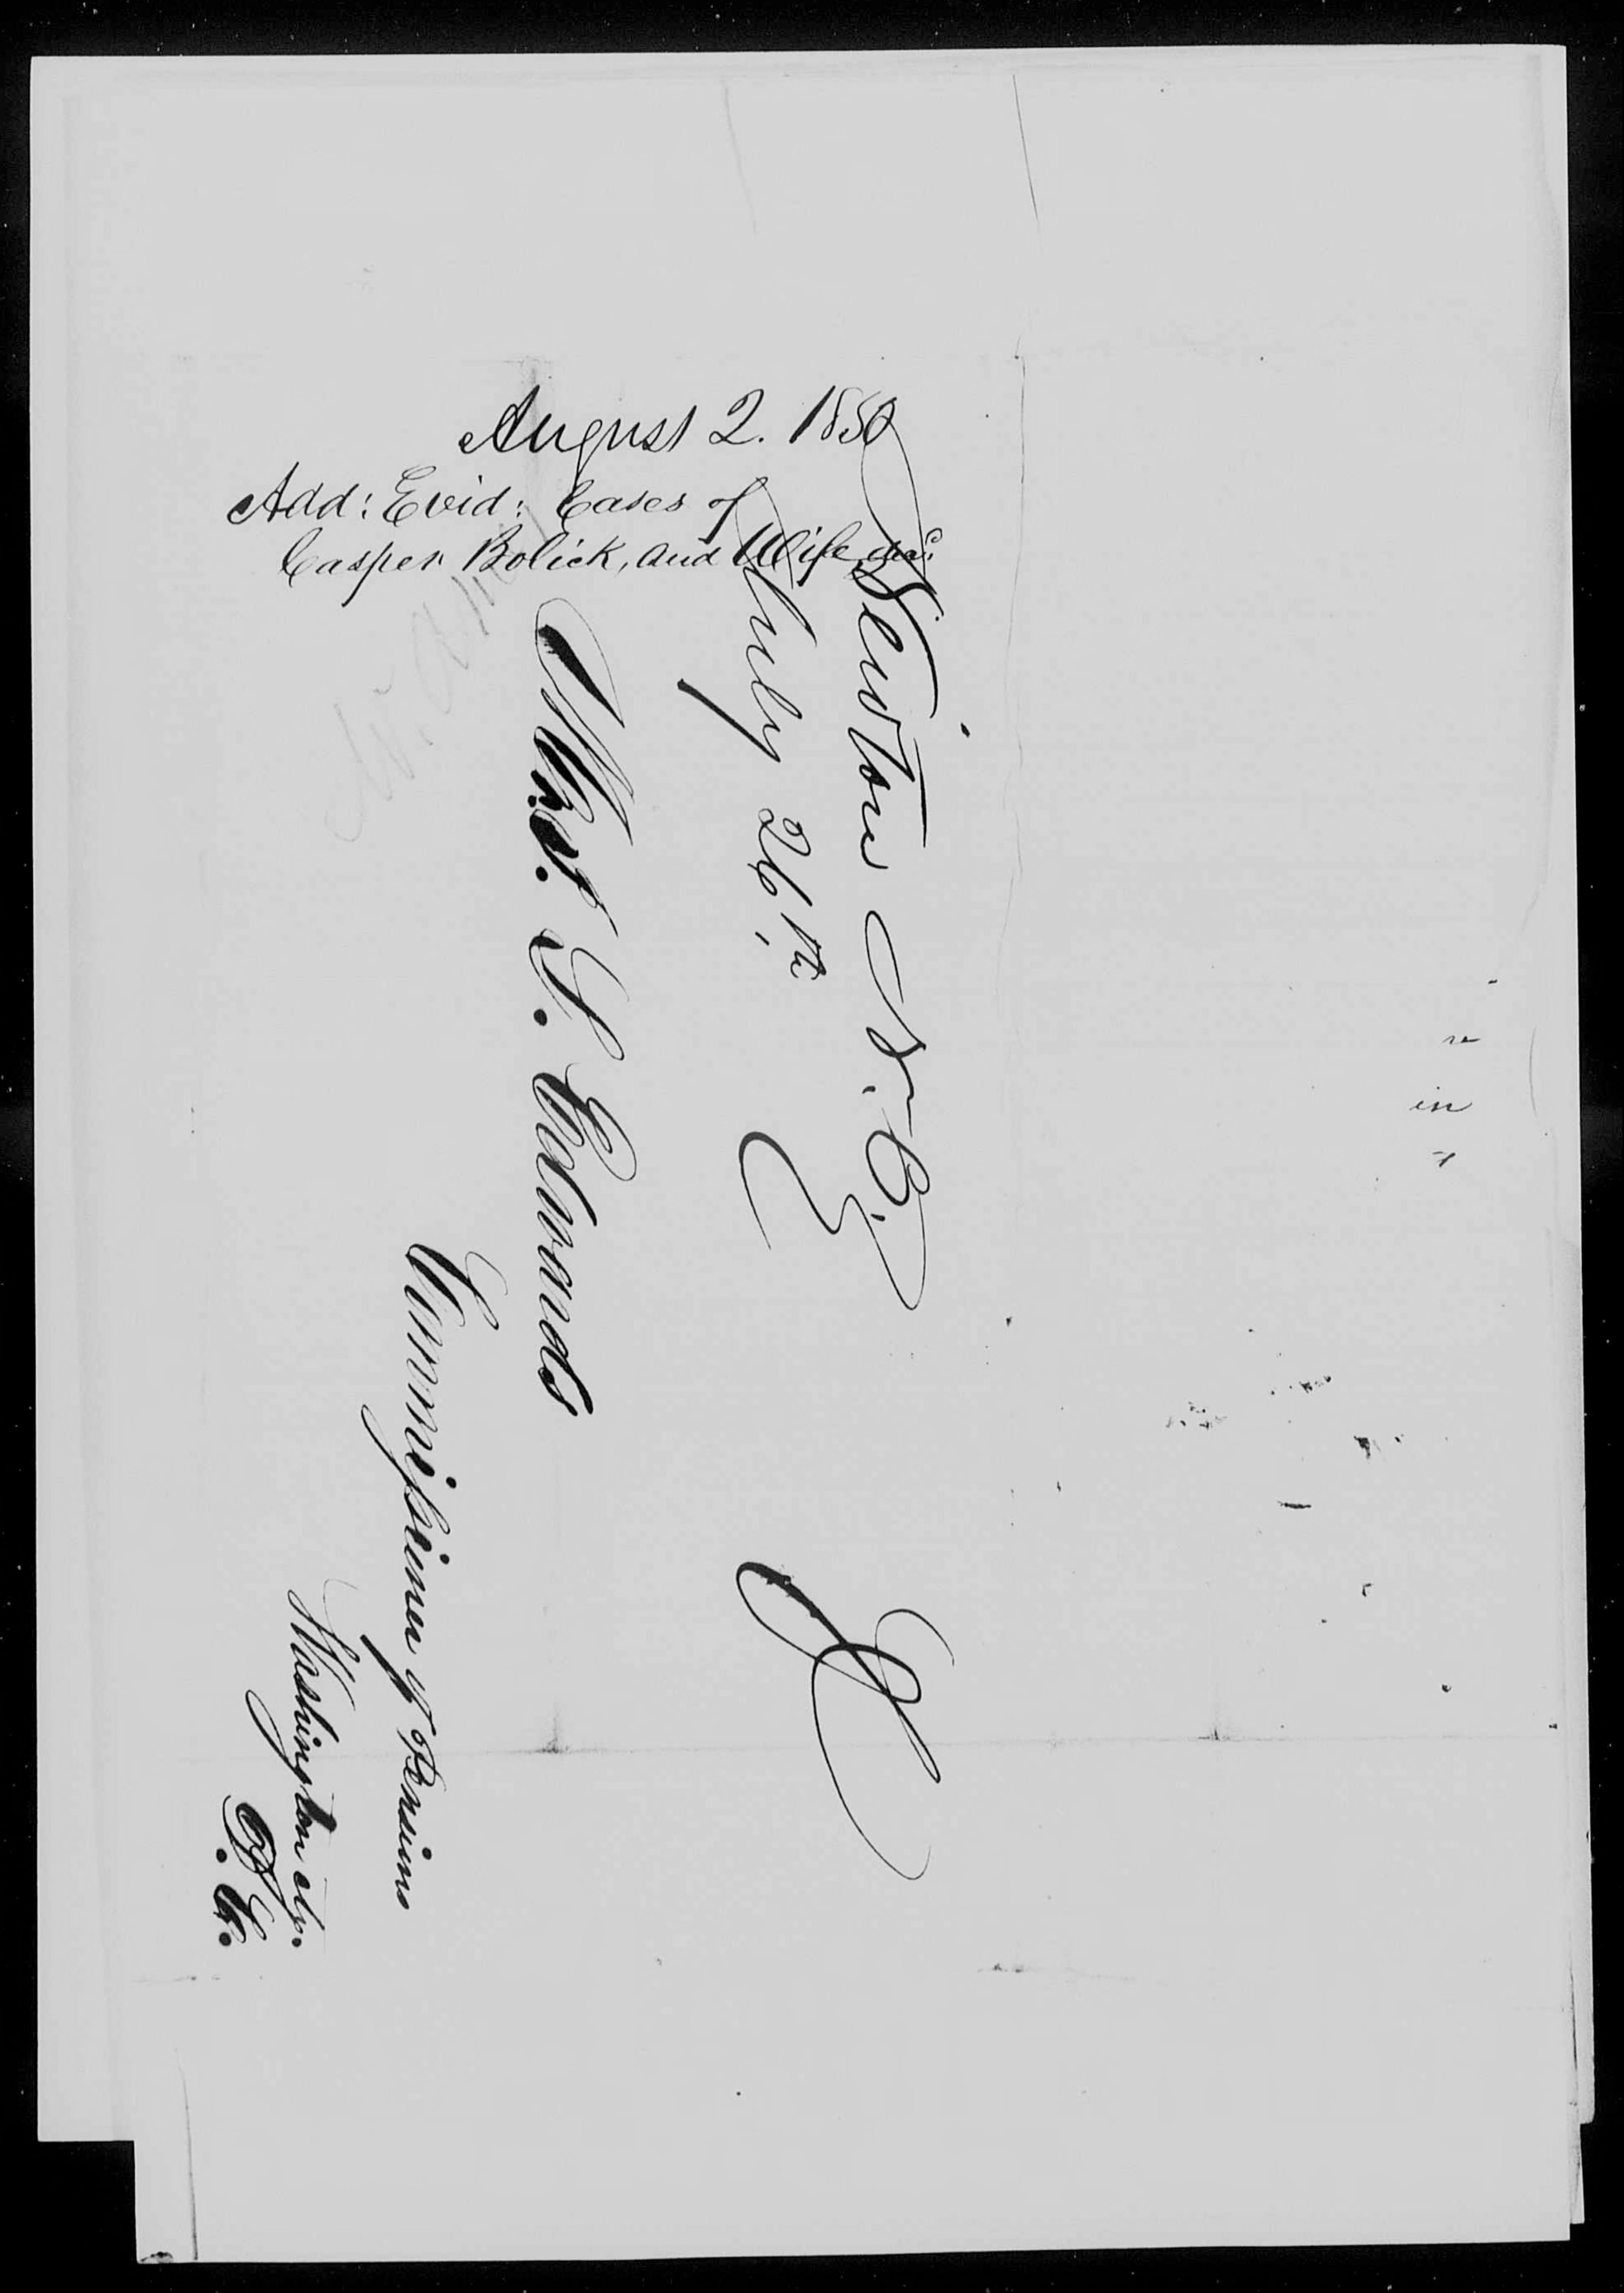August 2, 1850
Add: Evid.: Cases of Casper Bolick and wife dec'd.

Newton N. C.    f [free]
July 26th

Hon. J. L. Edwards
Commissioner of Pensions
Washington City 
D. C.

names: J L Edwards, Casper Bolick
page: 35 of 43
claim: widow's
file: W. 18,566, Casper Bolick, N.C.